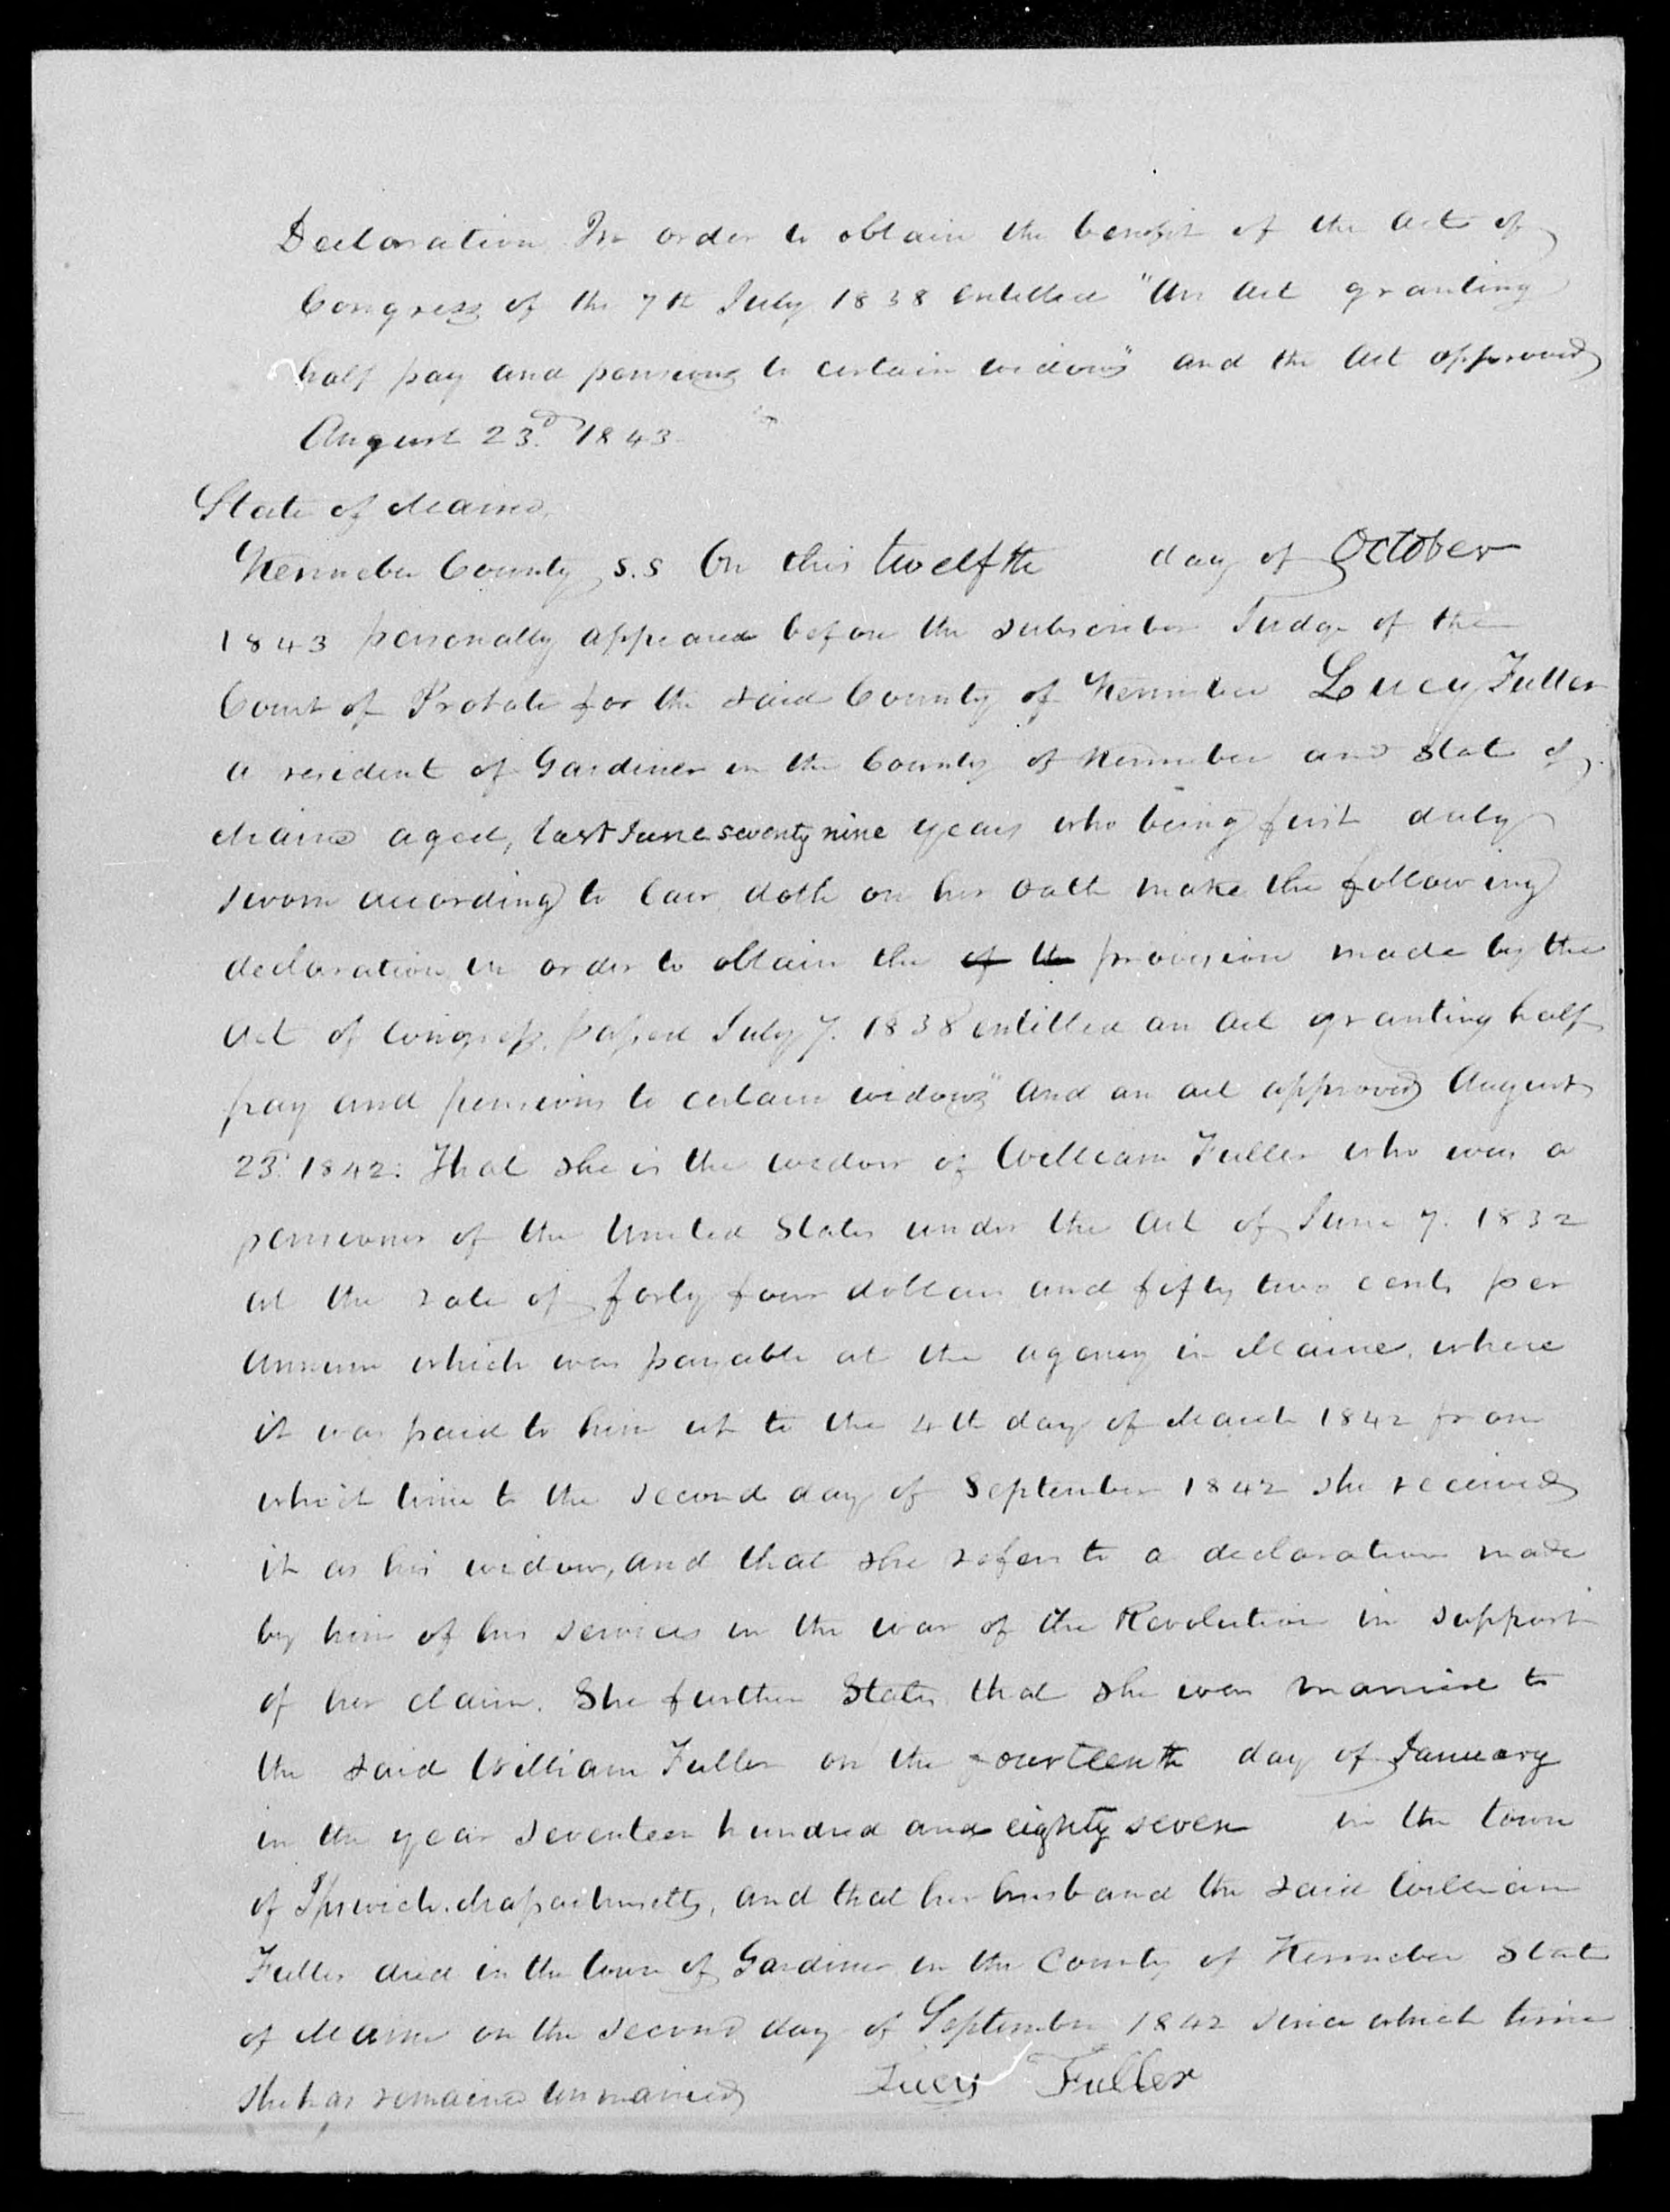Declaration. In order to obtain the benefit of the Act of Congress of the 7th of July 1838 entitled “An Act granting half pay and pension to certain widows” and the Act approved August 23rd 1843.
State of Maine,
Kennebec County SS.
On this twelfth day of October 1843 personally appeared before the subscriber Judge of the Court of Probate for the said County of Kennebec Lucy Fuller a resident of Gardiner in the County of Kennebec and state of Maine aged, last June seventy nine years who being first duly sworn according to law doth on her oath make the following declaration in order to obtain the [crossed out: of the] provision made by the Act of Congress passed July 7, 1838 entitled an Act granting half pay and pension to certain widows” And an act approved August 23rd 1842. That she is the widow of William Fuller who was a pensioner of the United States under the Act of June 7, 1832 at the rate of forty four dollars and fifty two cents per annum which was payable at the agency in Maine, where it was paid to him up to the 4th day of March 1842 from which time to the second day of September 1842 she received it as his widow, and that she refers to a declaration made by him of his services in the War of the Revolution in support of her claim. She further states that she was married to the said William Fuller on the fourteenth day of January in the year seventeen hundred and eighty seven in the town of Ipswich, Massachusetts, and that her husband the said William Fuller died in the town of Gardiner in the county of Kennebec State of Maine on the second day of September 1842 since which time she has remained unmarried Lucy Fuller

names: William Fuller, Lucy Fuller, William Fuller, Lucy Fuller, William Fuller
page: 9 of 45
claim: widow's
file: W. 17933, William Fuller, Mass